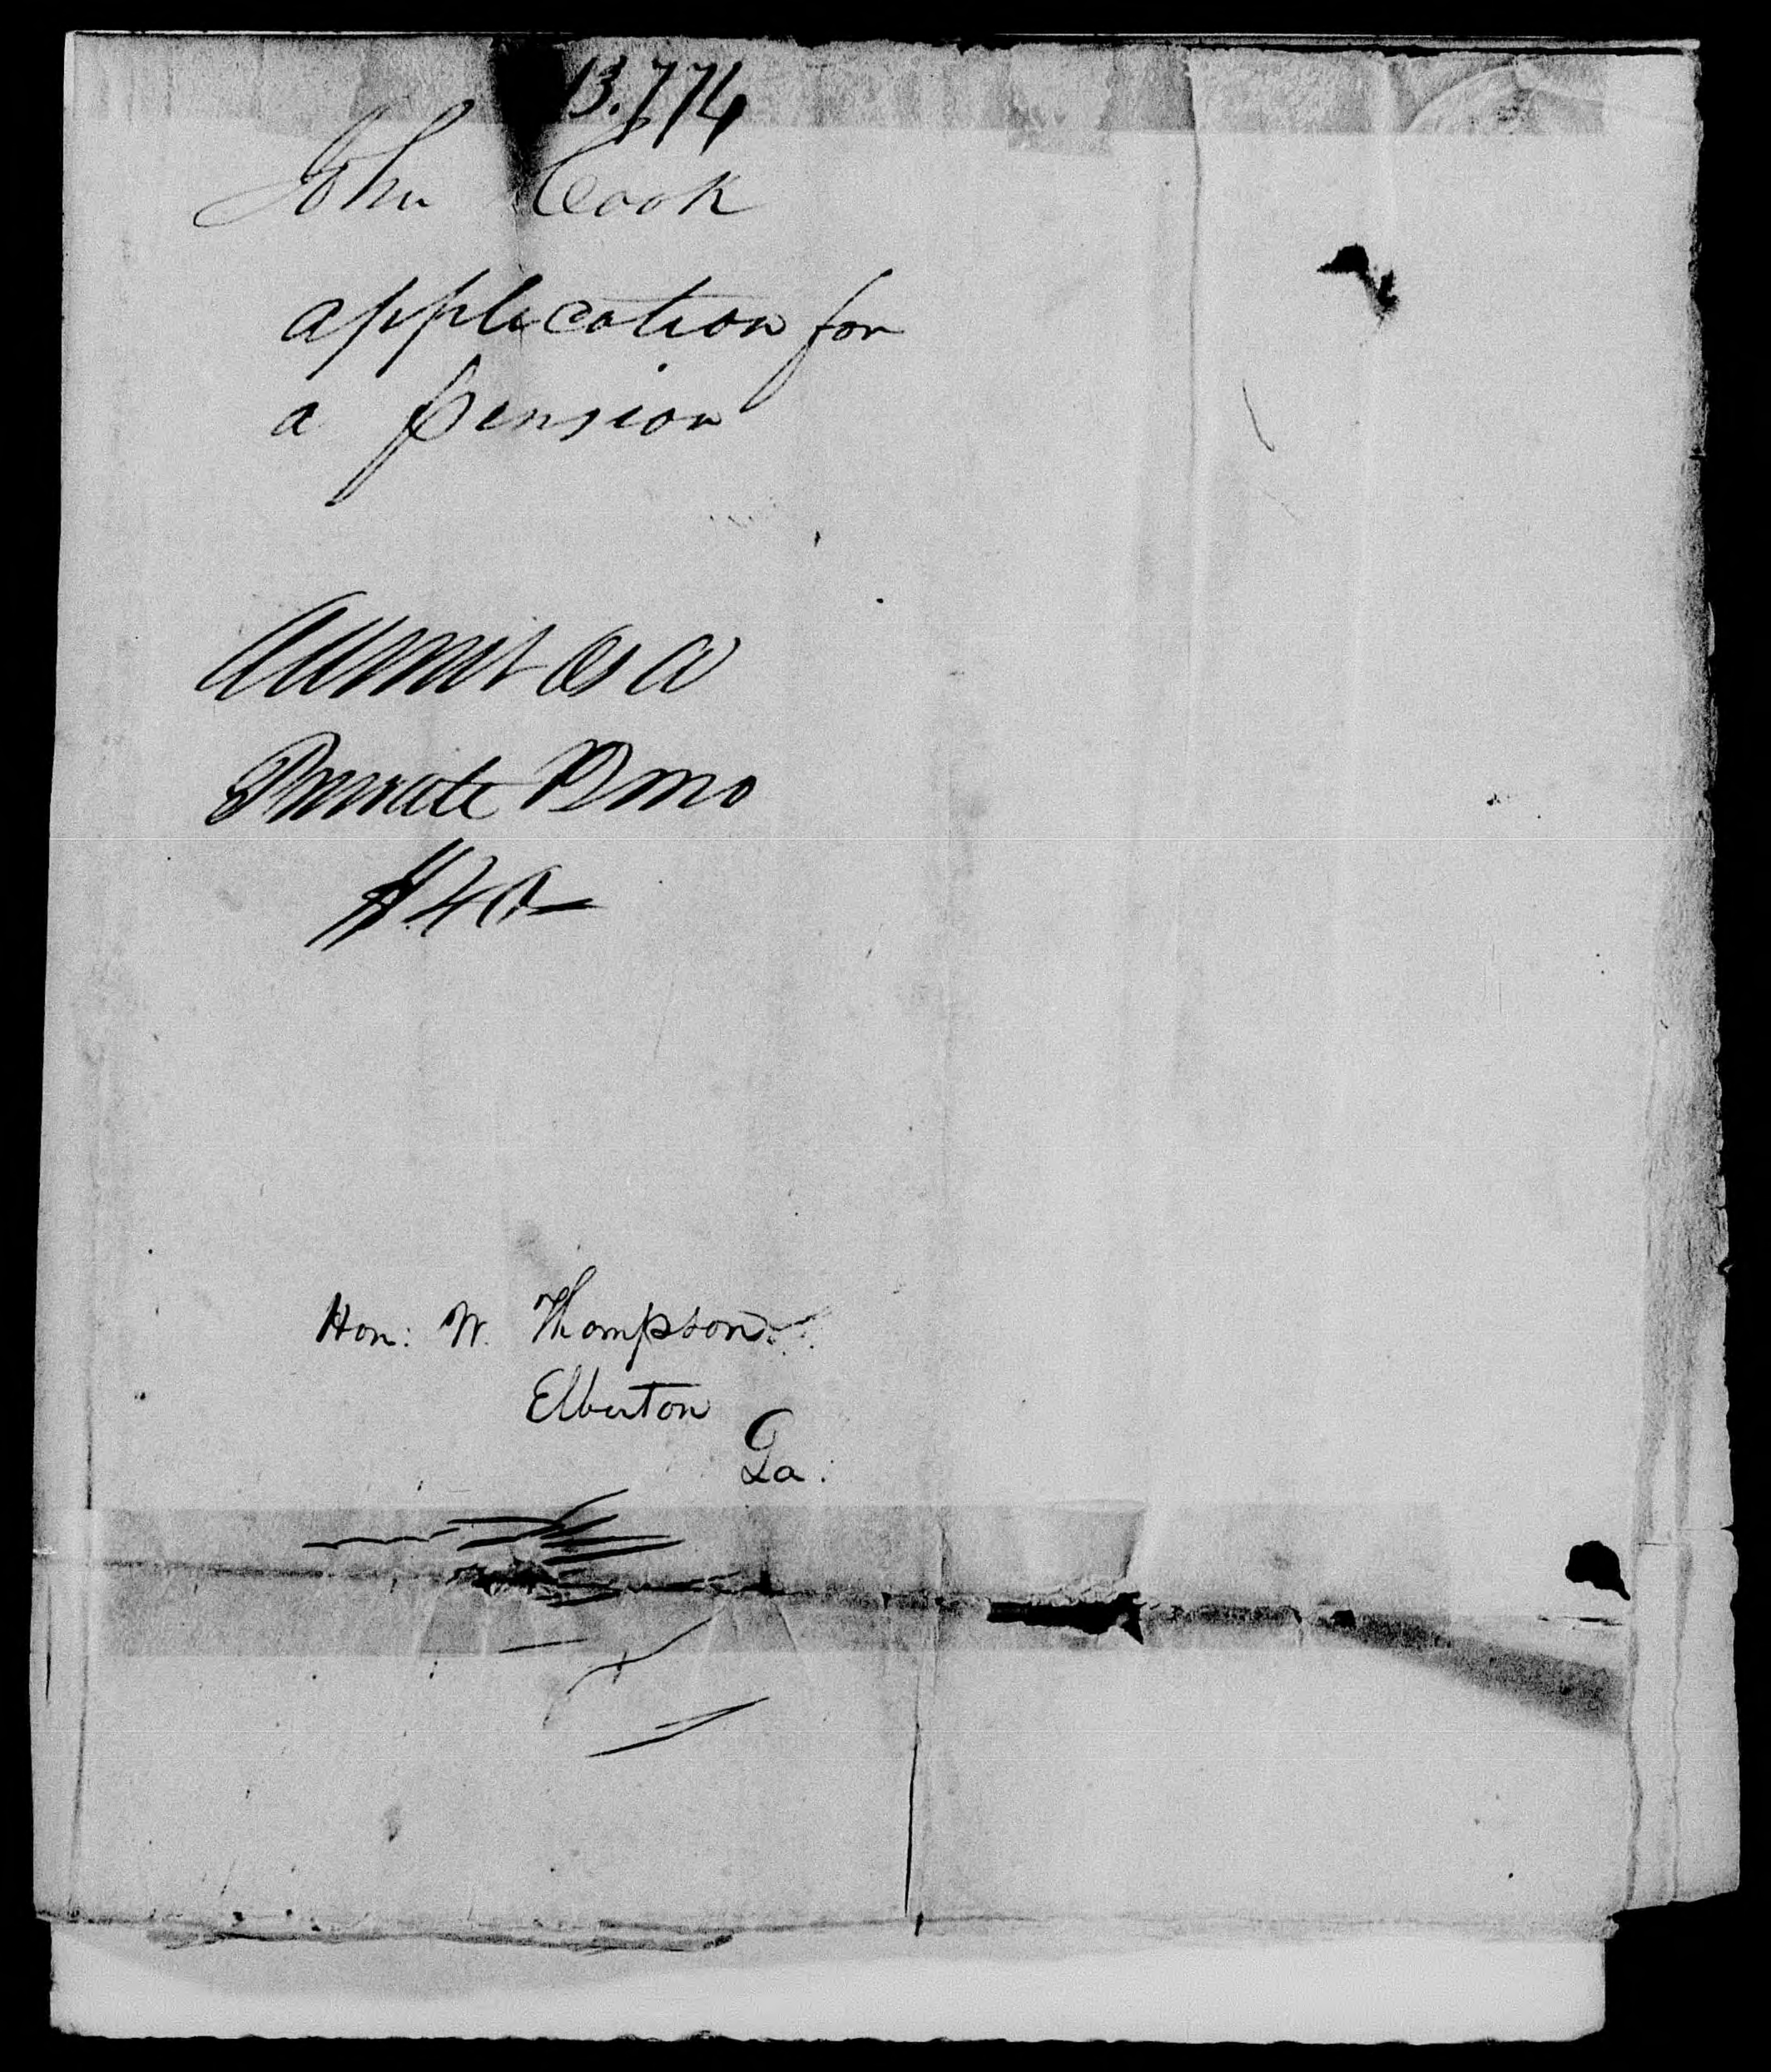13.774
John Cook
Application for
a pension

Amount as a 
Private 12 mo
$40-

Hon: W. Thompson.
Elberton
Ga.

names: W Thompson, John Cook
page: 3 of 18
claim: survivor's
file: S. 16,343, John Cook, N.C.